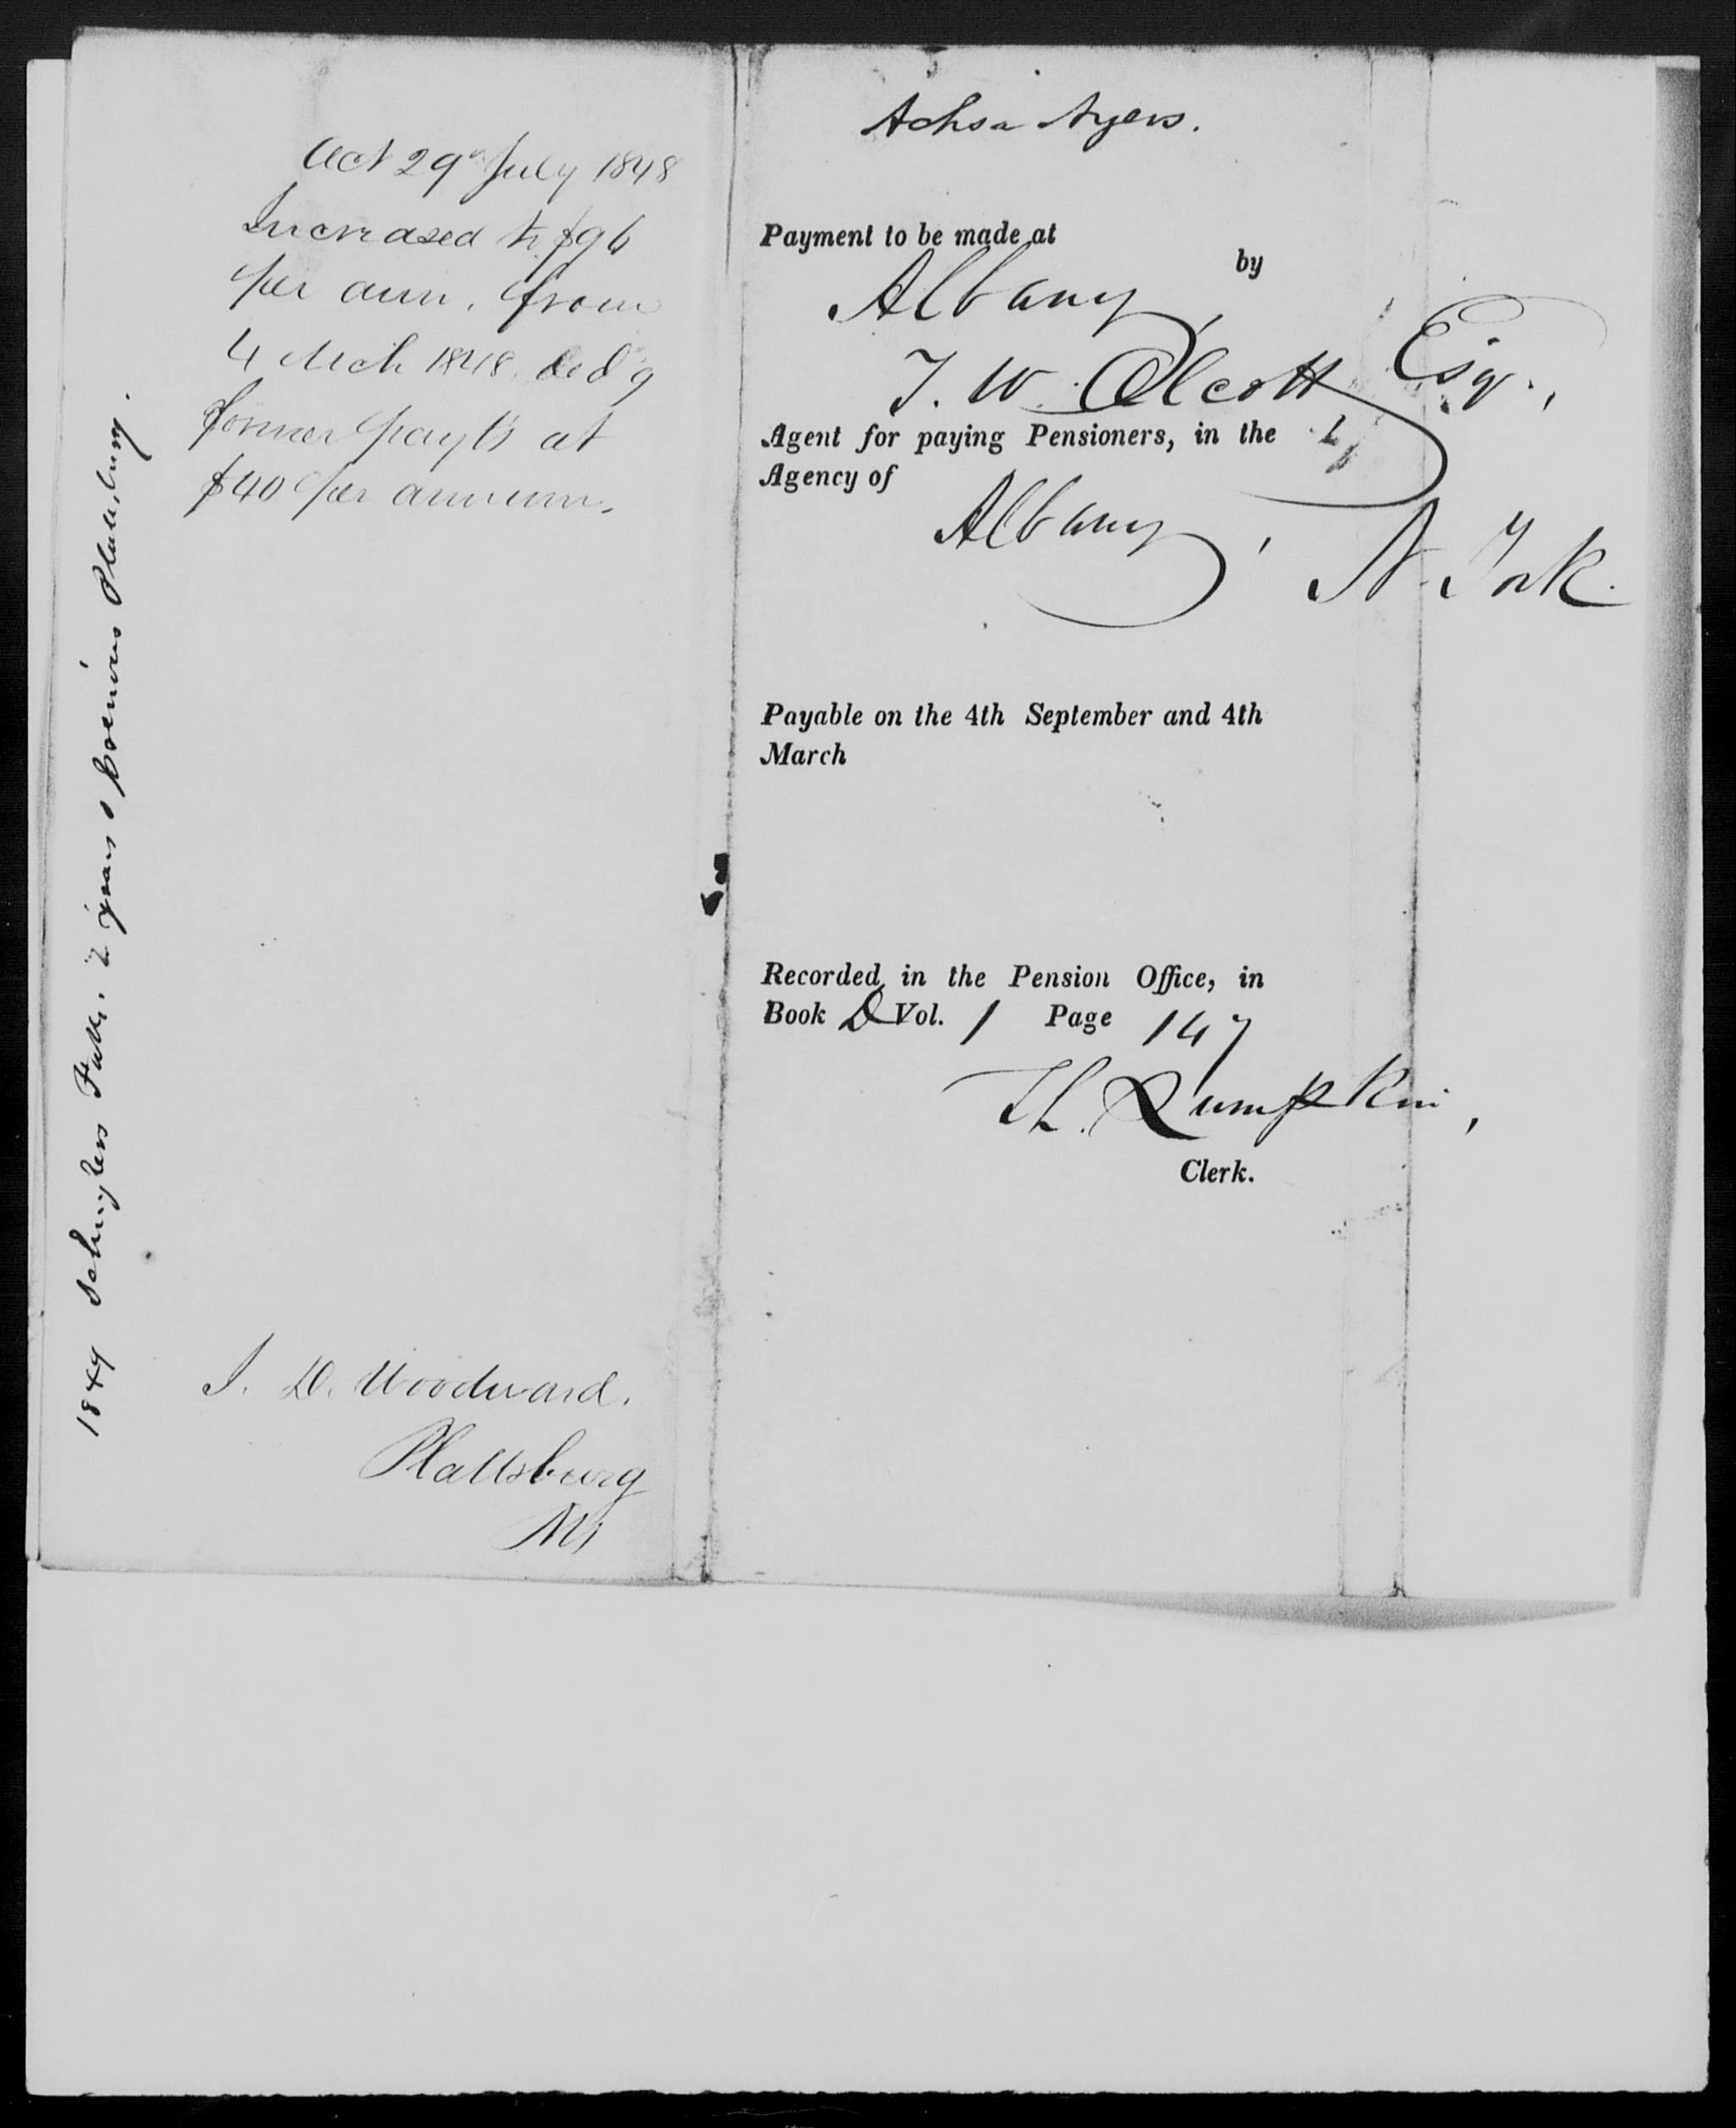Act 29th July 1848
Increased to $96 per ann. from 4 Mch 1848 ded'g former payt's at $40 per annum.
1844 Schuylers Falls, 2 years pension Plattsburg.
J. D. Woodward,
Plattsburg
NY
Achsa Ayers
Payment to be made at Albany by 
T. W. Alcott Esqr., Agent for paying Pensioners, in the Agency of Albany, N. York
Payable on the 4th September and 4th March
Recorded in the Pension office, in Book D Vol. 1 
Page 147
Th. Lumpkin, Clerk.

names: Achsa Ayers, J D Woodward, Th Lumpkin, T W Olcott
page: 46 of 50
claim: widow's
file: W. 8559, Ebenezer Ayer, Continental (Conn)